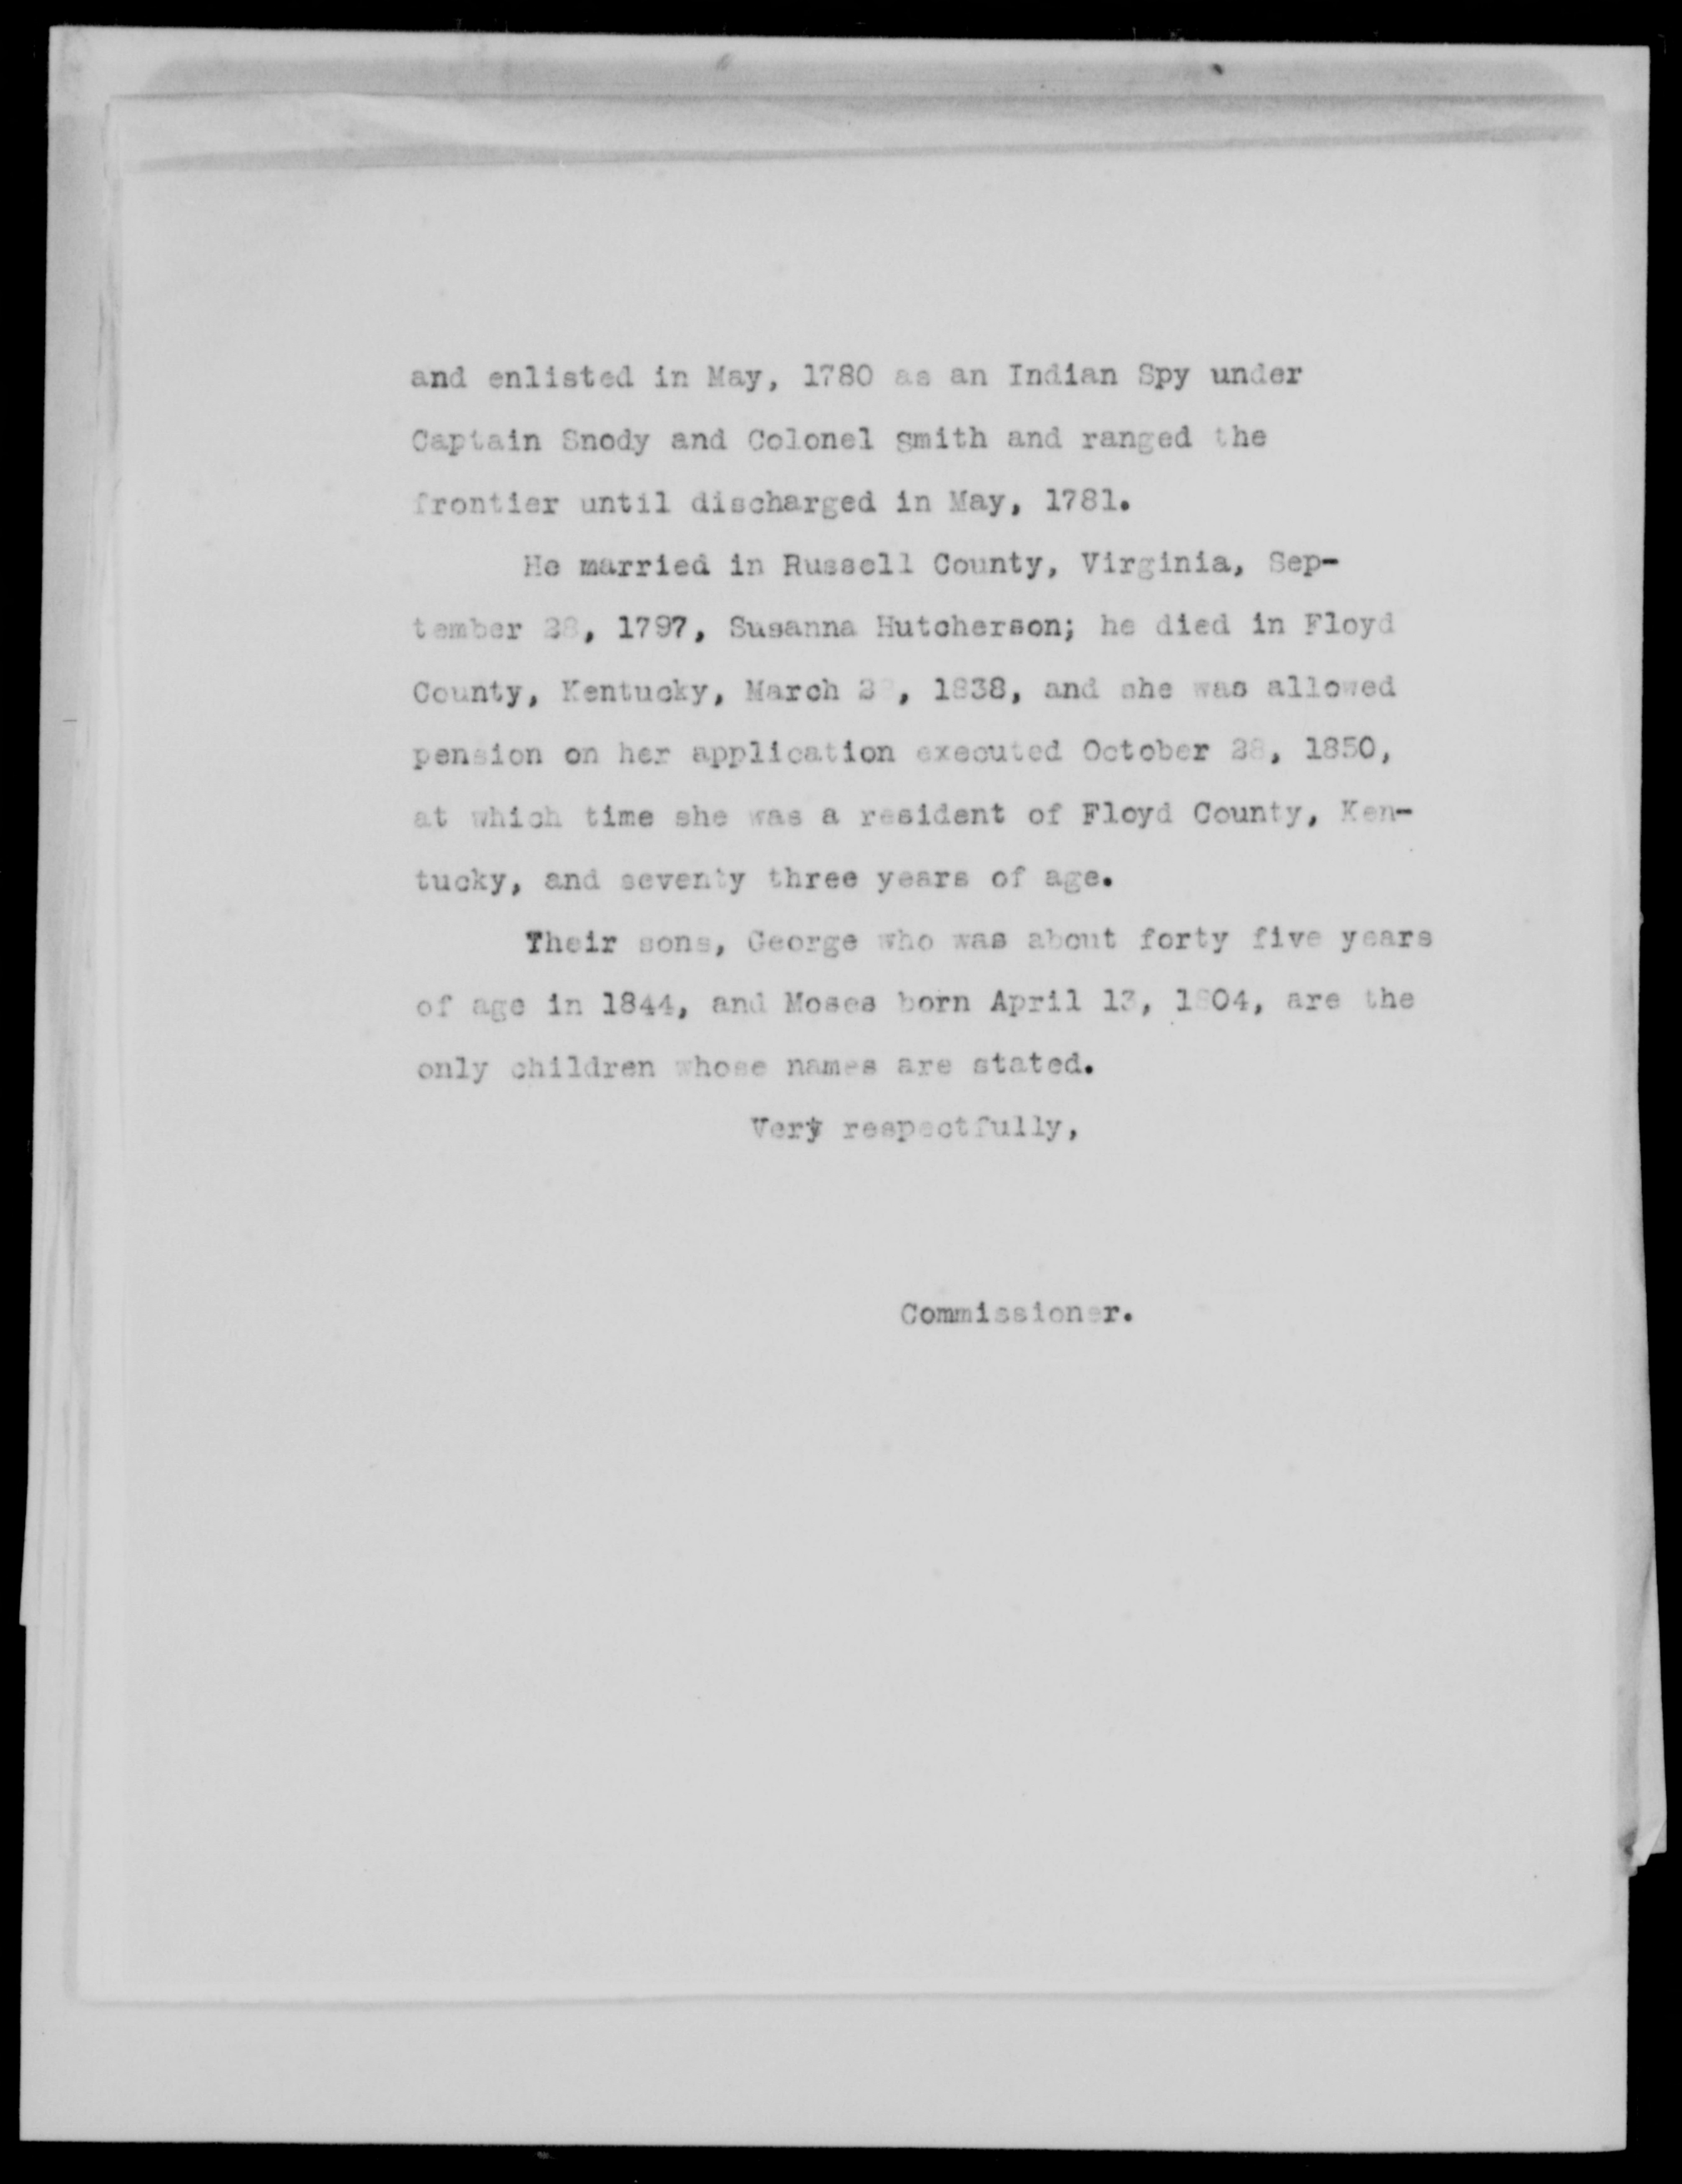and enlisted in May, 1780 as an Indian Spy under
Captain Snody and Colonel Smith and ranged the
frontier until discharged in May, 1781.
He married in Russell County, Virginia, September
29, 1797, Susanna Hutcherson; he died in Floyd
County, Kentucky, March 2, 1838, and she was allowed
pension on her application executed October 28, 1850,
at which time she was a resident of Floyd County, Kentucky, and seventy three years of age.
Their sons, George who was about forty five years
of age in 1844, and Moses born April 13, 1804, are the
only children whose names are stated.
Very respectfully,
Commissioner.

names: Moses, George, Susanna Hutcherson, Snody, Smith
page: 100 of 100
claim: widow's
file: W. 6437, Richard Wells, Ga Va.